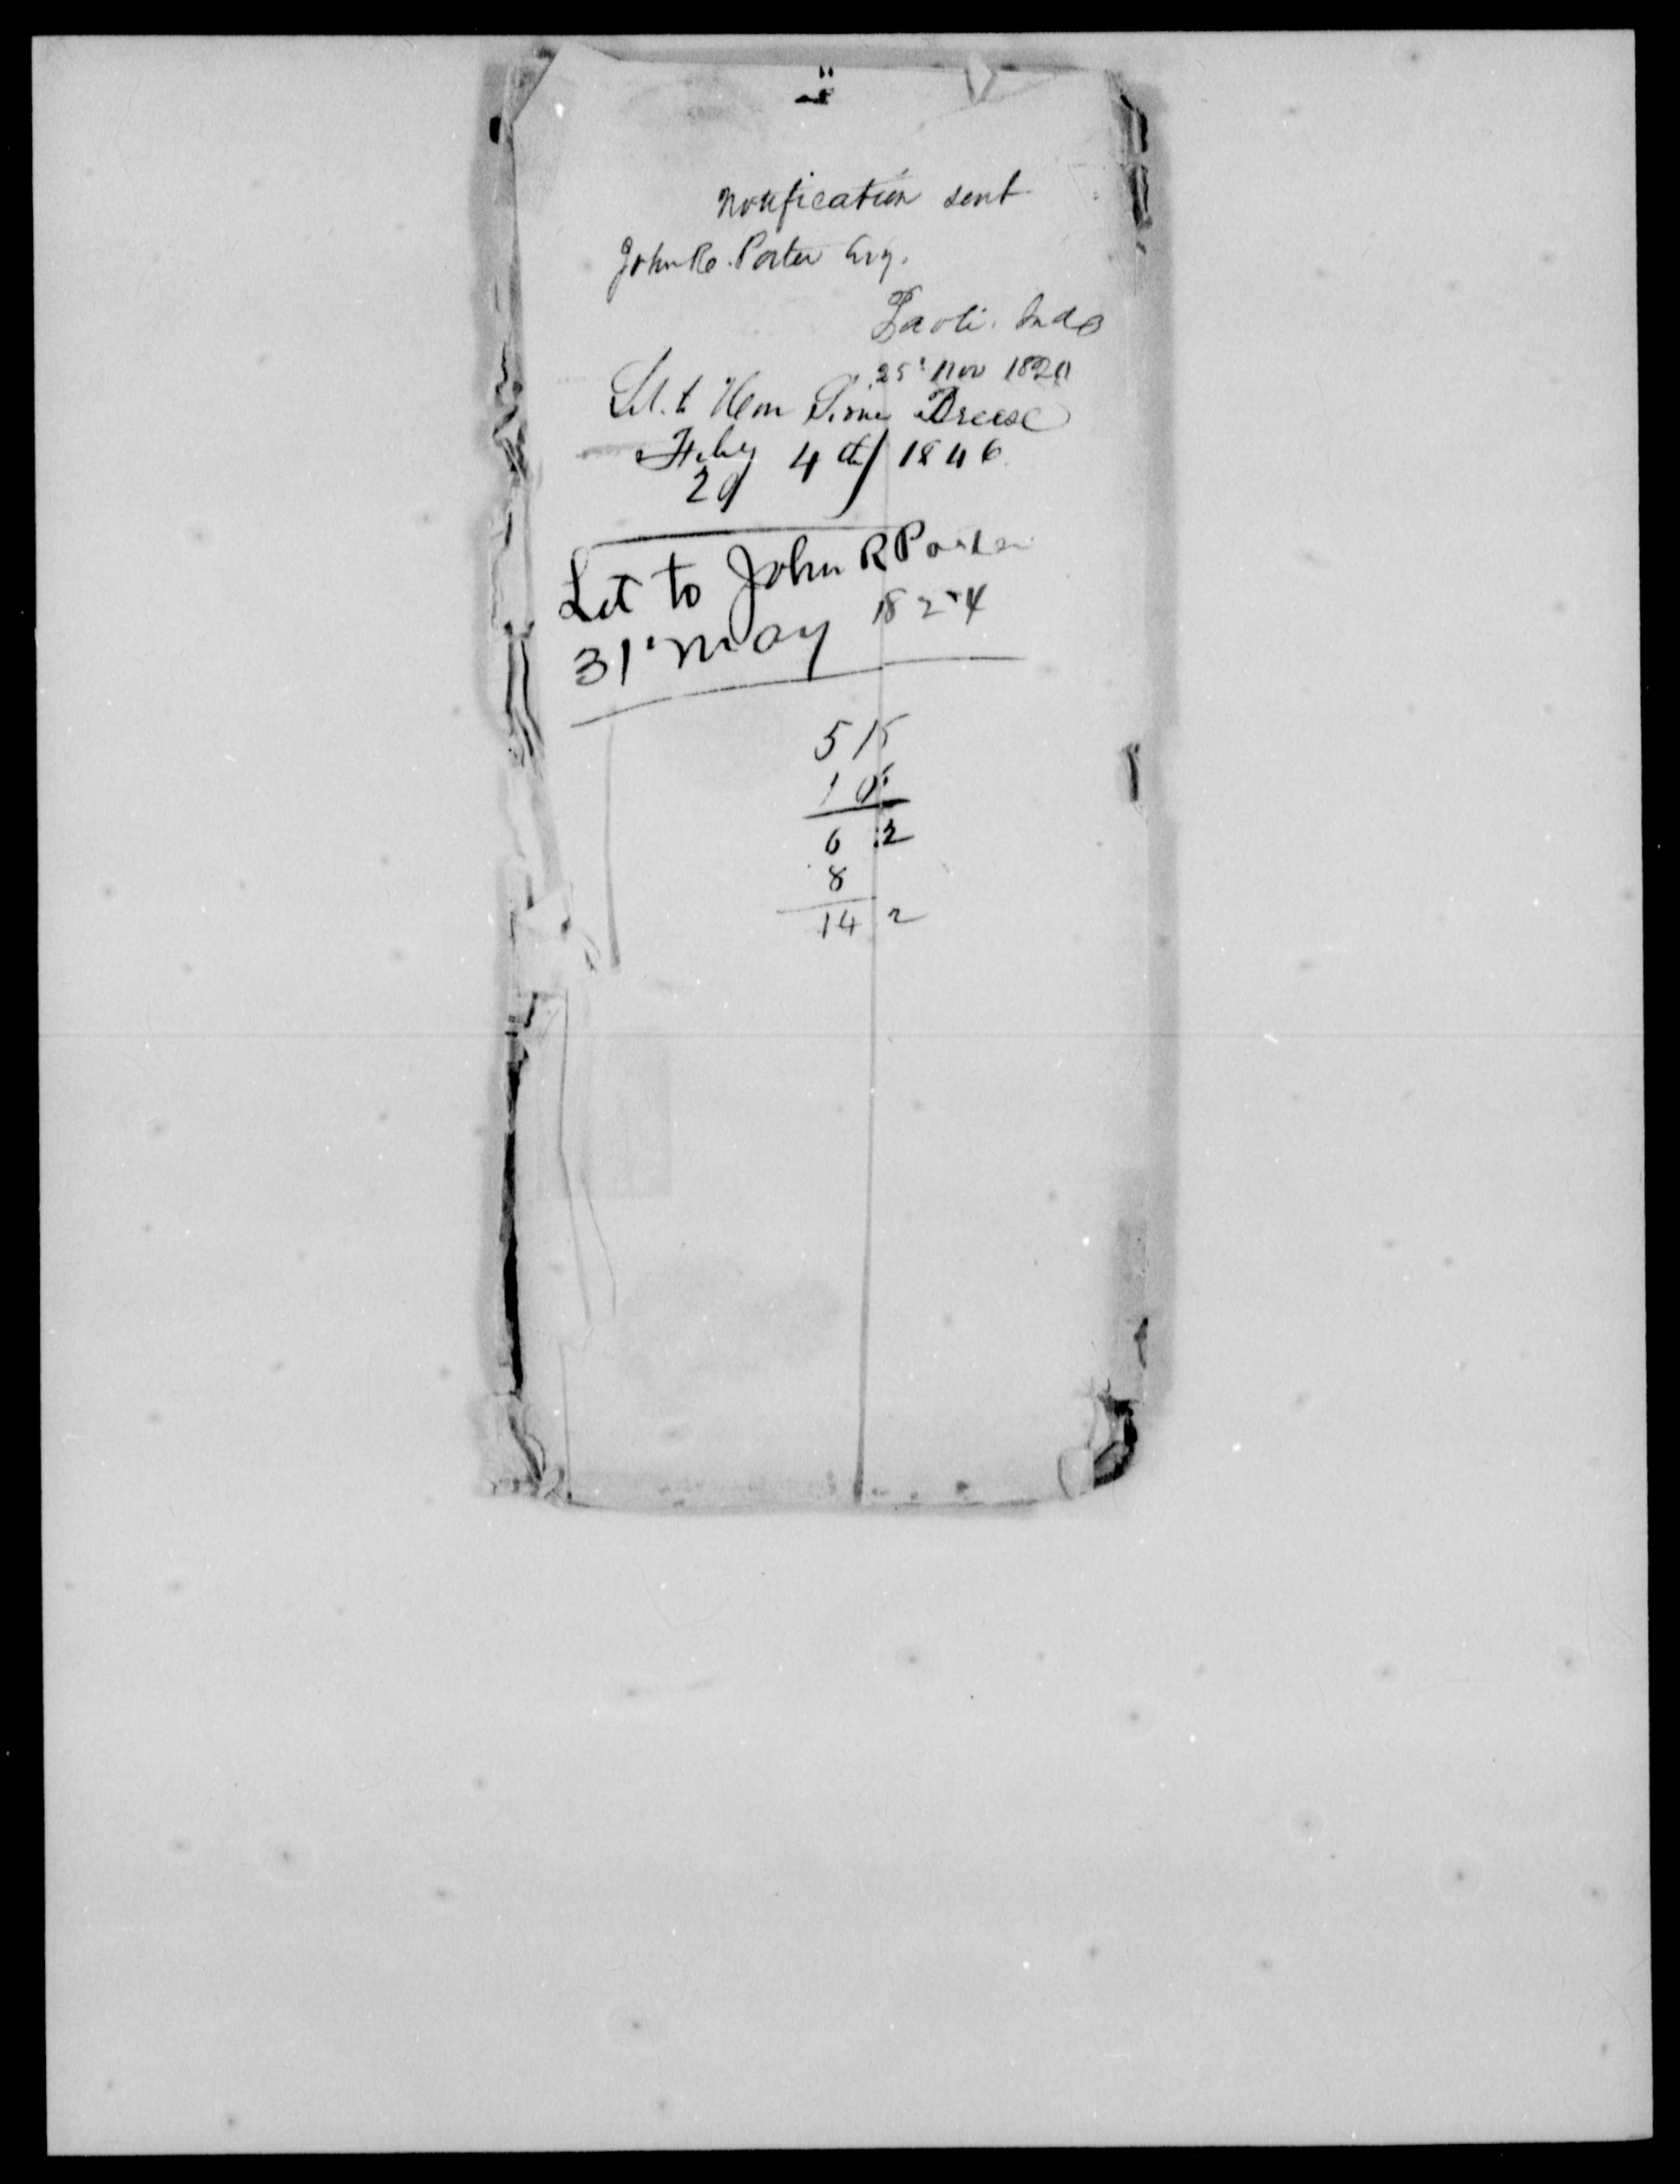Notification sent
John R Porter Esq
(illegible)
25 Nov 1820
Sent to Wlm (illegible) Dreese
July 4th/1846
20
Let to John R Porter
31' May 1824
51.5
10.5
------
62
8
-------
142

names: Sime Dreese; John R Porter; John R Porter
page: 3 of 20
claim: survivor's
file: S. 36,783, for George Sparling, New Jersey